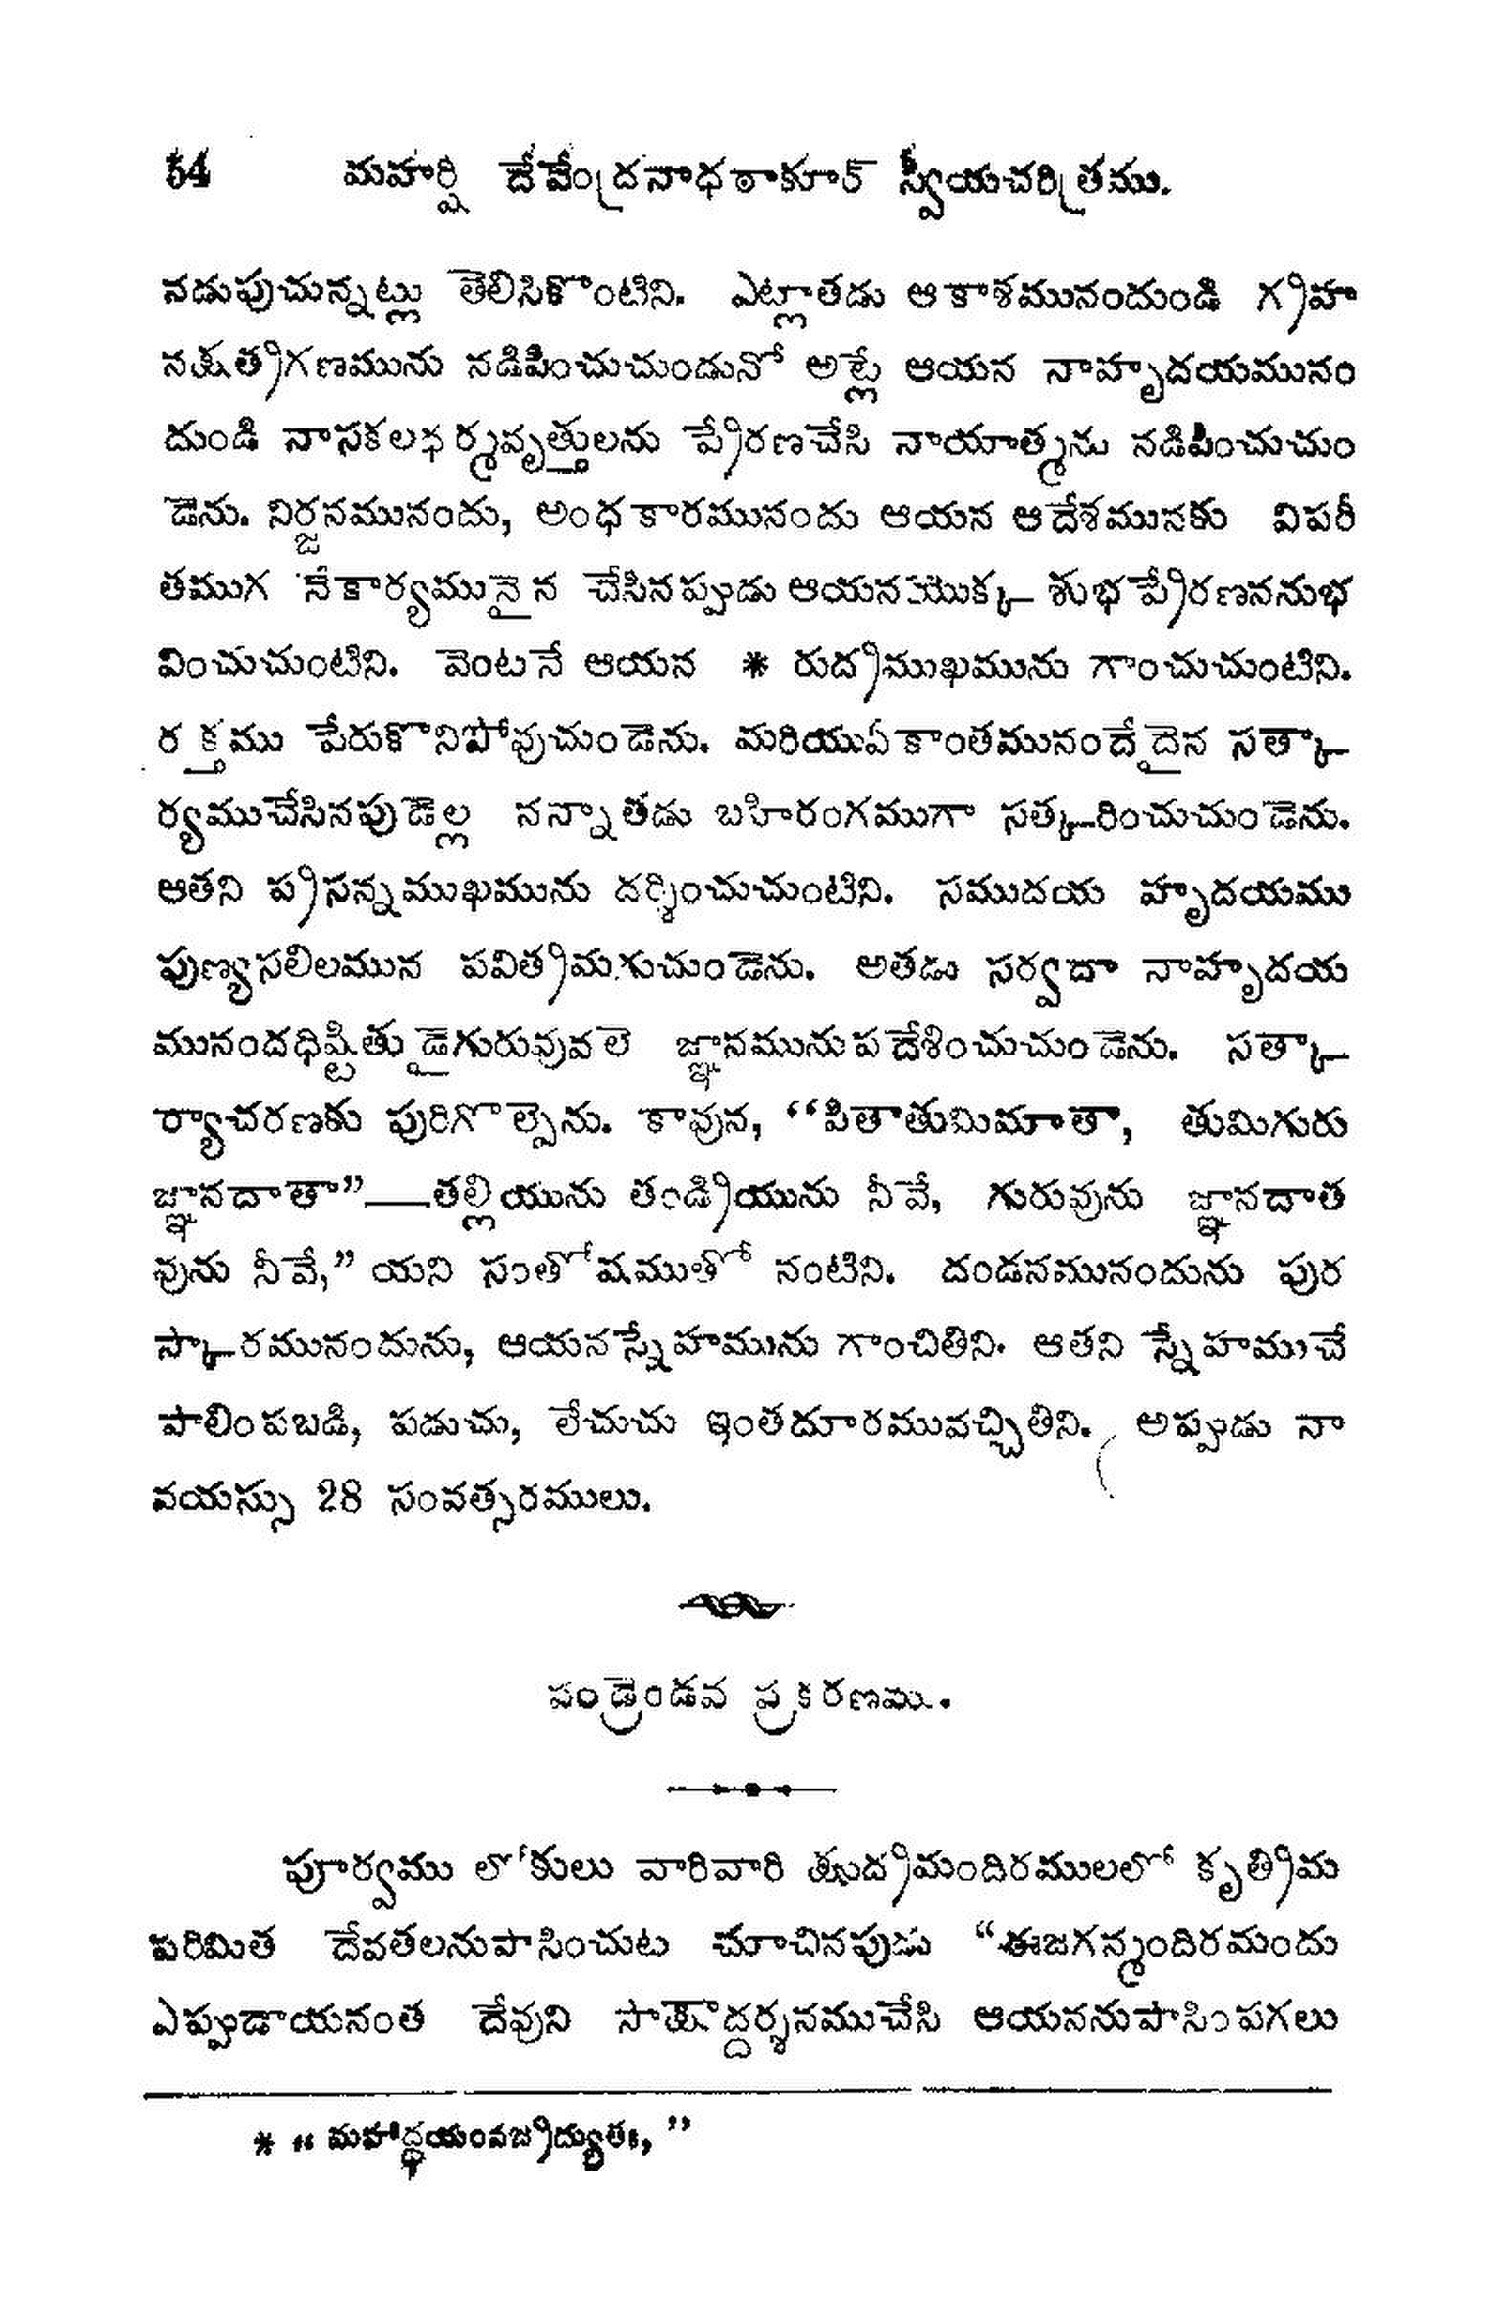నడుపుచున్నట్లు తెలిసికొంటిని. ఎట్లాతడు ఆకాశమునందుండి గ్రహ
నక్షత్రగణమును నడిపించుచుండునో అట్లే ఆయన నాహృదయమునం
దుండి నాసకలధర్మవృత్తులను ప్రేరణ చేసి నాయాత్మను నడిపించుచుం
డెను. నిర్జనమునందు, అంధ కారమునందు ఆయన ఆదేశమునకు విపరీ
తముగ 'నే కార్యమునైన చేసినప్పుడు ఆయన యొక్క శుభ ప్రేరణననుభ
వించుచుంటిని. వెంటనే ఆయన* రుద్ర ముఖమును గాంచుచుంటిని.రక్తము పేరుకొని పోవుచుండెను. మరియు ఏకాంతమునందే దైన సత్కా
ర్యము చేసినపుడెల్ల నన్నాతడు బహిరంగముగా సత్కరించుచుండెను.
ఆతని ప్రసన్న ముఖమును దర్శించు చుంటిని. సముదయ హృదయము
పుణ్య సలిలమున పవిత్రమగు చుండెను. అతడు సర్వదా నాహృదయ
మునందధిష్టితుడై గురువువలె జ్ఞానమునుప దేశించుచుండెను. సత్కా
ర్యాచరణకు పురిగొల్పెను. "కావున, ““ పితాతుమిమాతా, తుమిగురు
జ్ఞానదాతా”—తల్లియను తండ్రియును నీవే, గురువును జ్ఞానదాతవును నీవే,” యని సంతోషముతో నంటిని. దండనమునందును పురస్కారమునందును, ఆయన స్నేహమును గాంచితిని. అతని స్నేహముచే పాలింపబడి, పడుచు, లేచుచు ఇంతదూరమువచ్చితిని, అప్పుడు నావయస్సు 28 సంవత్సరములు.

.

పూర్వము లోకులు వారివారి తుదమందిరములలో కృత్రిమ
పరిమిత దేవతలనుపాసించుట చూచినపుడు "ఈజగన్మందిరమందు
ఎప్పుడాయనంత దేవుని సొద్దర్శనము చేసి ఆయననుపాసింపగలు
""